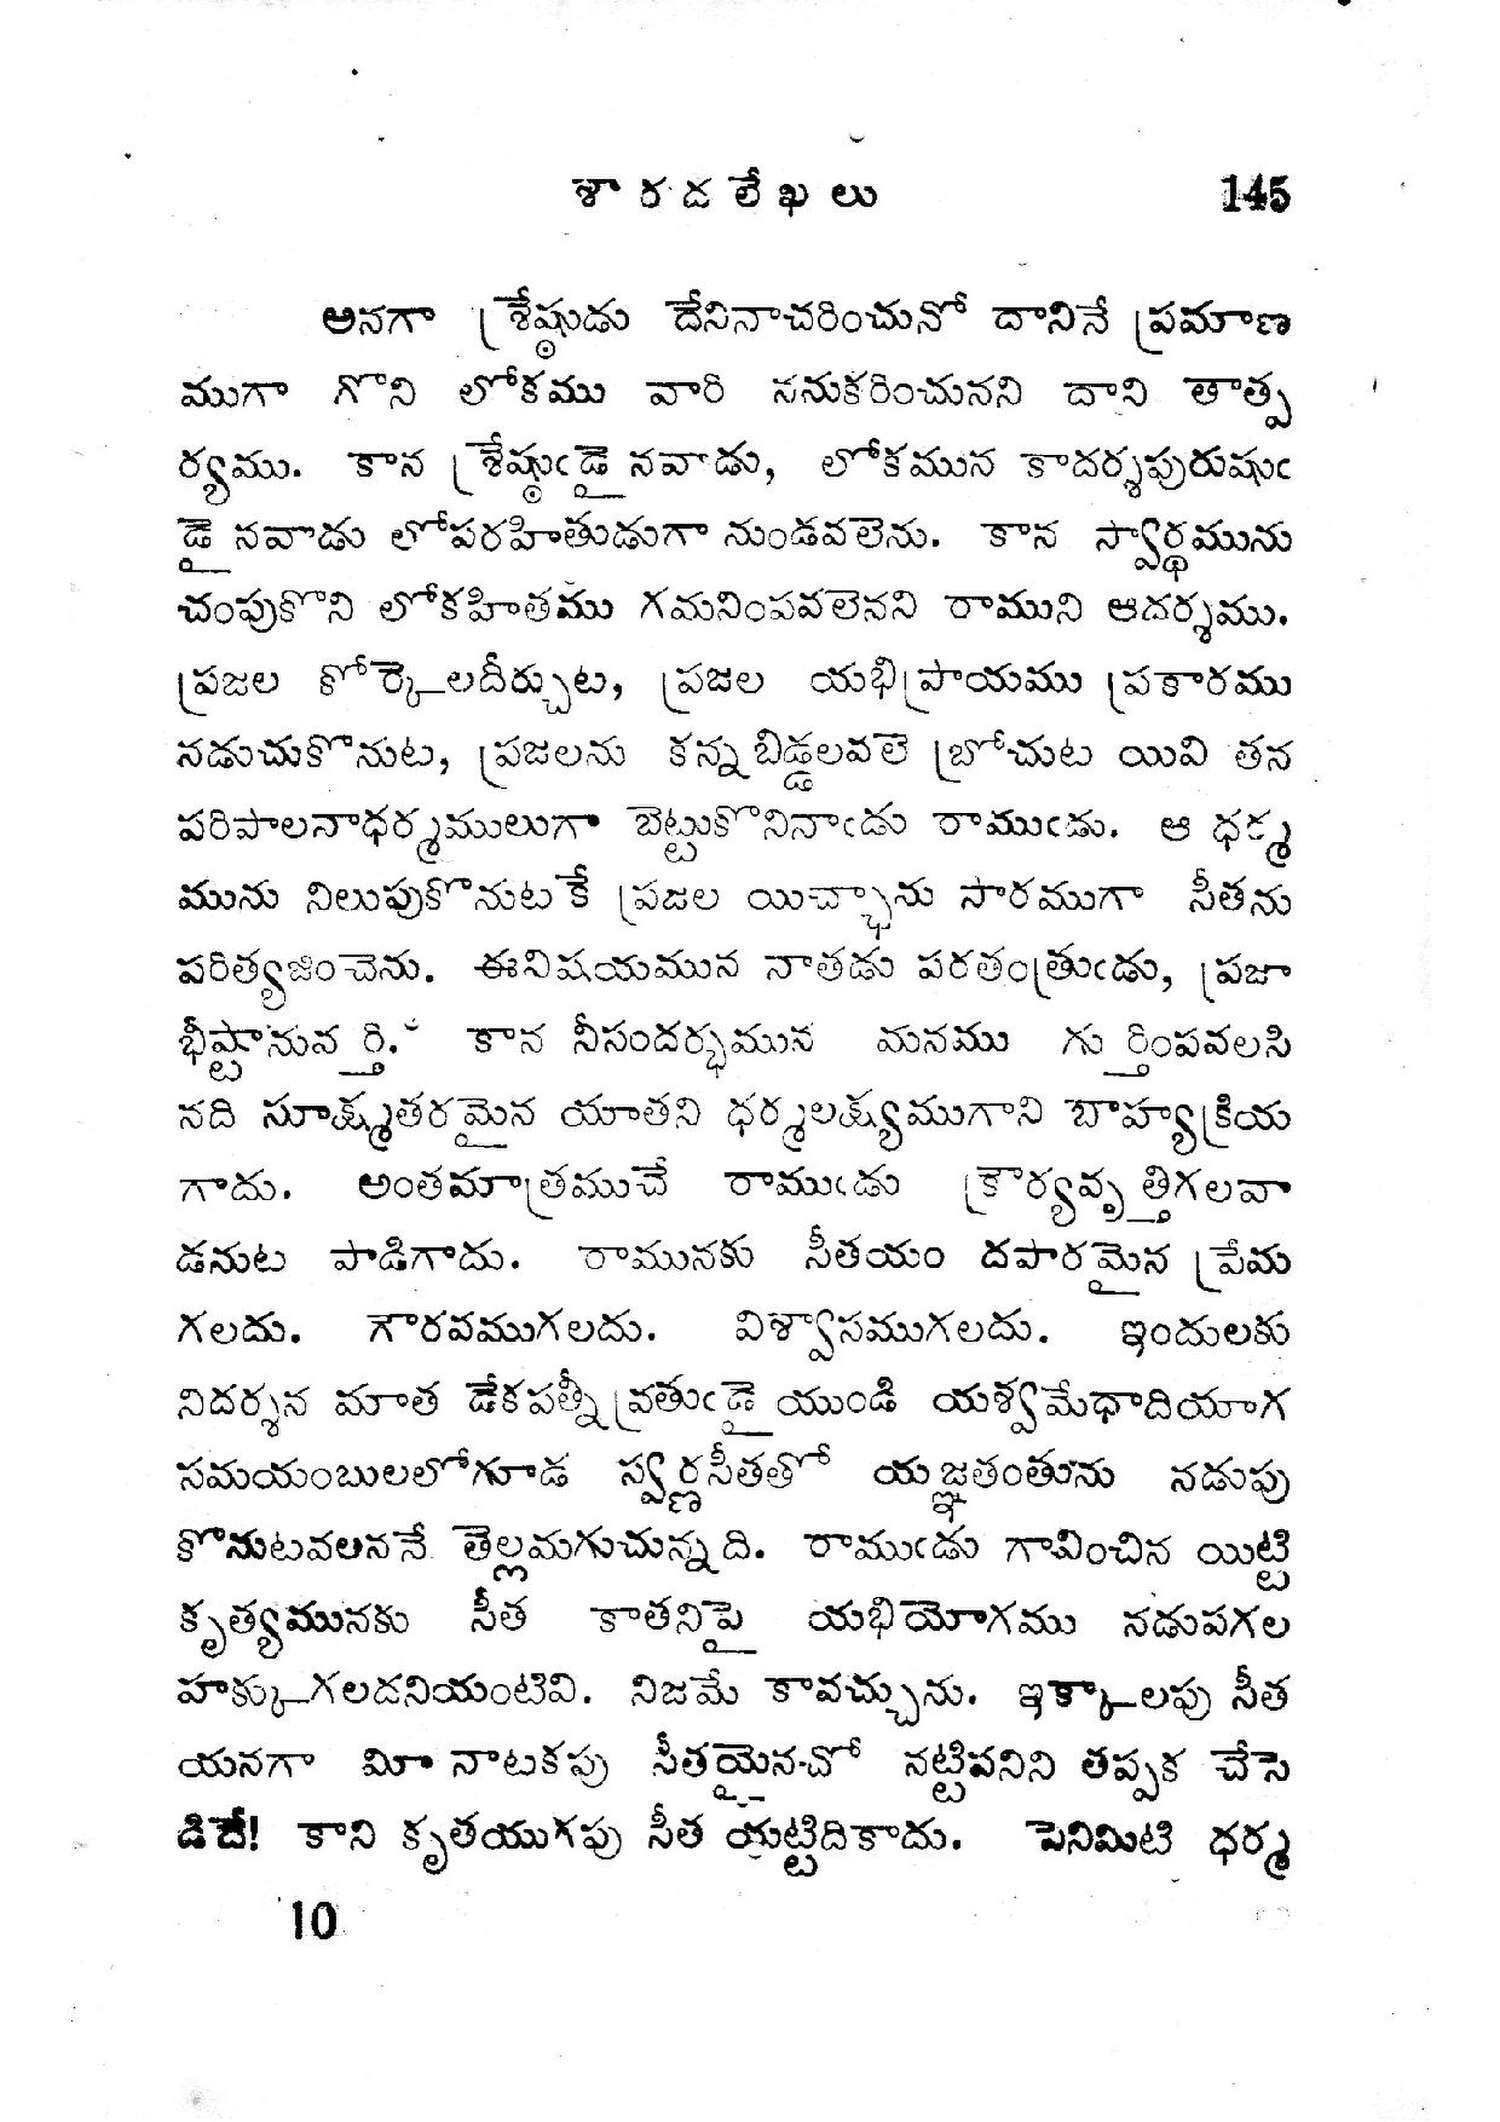అనగా శ్రేష్ఠుడు దేనినాచరించునో దానినే ప్రమాణముగా గొని లోకము వారి ననుకరించునని దాని తాత్పర్యము. కాన శ్రేష్ఠుఁడైనవాడు, లోకమున కాదర్శపురుషుఁడైనవాడు లోపరహితుడుగా నుండవలెను. కాన స్వార్థమును చంపుకొని లోకహితము గమనింపవలెనని రాముని ఆదర్శము. ప్రజల కోర్కెలదీర్చుట, ప్రజల యభిప్రాయము ప్రకారము నడుచుకొనుట, ప్రజలను కన్నబిడ్డలవలె బ్రోచుట యివి తన
పరిపాలనాధర్మములుగా బెట్టుకొనినాఁడు రాముఁడు. ఆ ధర్మమును నిలుపుకొనుటకే ప్రజల యిచ్చాను సారముగా సీతను పరిత్యజించెను. ఈవిషయమున నాతడు పరతంత్రుఁడు, ప్రజాభీష్టానువర్తి. కాన నీసందర్భమున మనము గుర్తింపవలసినది సూక్ష్మతరమైన యాతని ధర్మలక్ష్యముగాని బాహ్యక్రియ గాదు. అంతమాత్రముచే రాముఁడు క్రౌర్యవృత్తిగలవాడనుట పాడిగాదు. రామునకు సీతయం దపారమైన ప్రేమ
గలదు. గౌరవముగలదు. విశ్వాసముగలదు. ఇందులకు నిదర్శన మాత డేకపత్నీవ్రతుఁడై యుండి యశ్వమేధాదియాగ సమయంబులలోగూడ స్వర్ణసీతతో యజ్ఞతంతును నడుపుకొనుటవలననే. తెల్లమగుచున్నది. రాముఁడు గావించిన యిట్టి కృత్యమునకు సీత కాతనిపై యభియోగము నడుపగల
హక్కుగలదనియంటివి. నిజమే కావచ్చును. ఇక్కాలపు సీత యనగా మీ నాటకపు సీతయైనచో నట్టిపనిని తప్పక చేసెడిదే! కాని కృతయుగపు సీత యట్టిదికాదు. పెనిమిటి ధర్మ